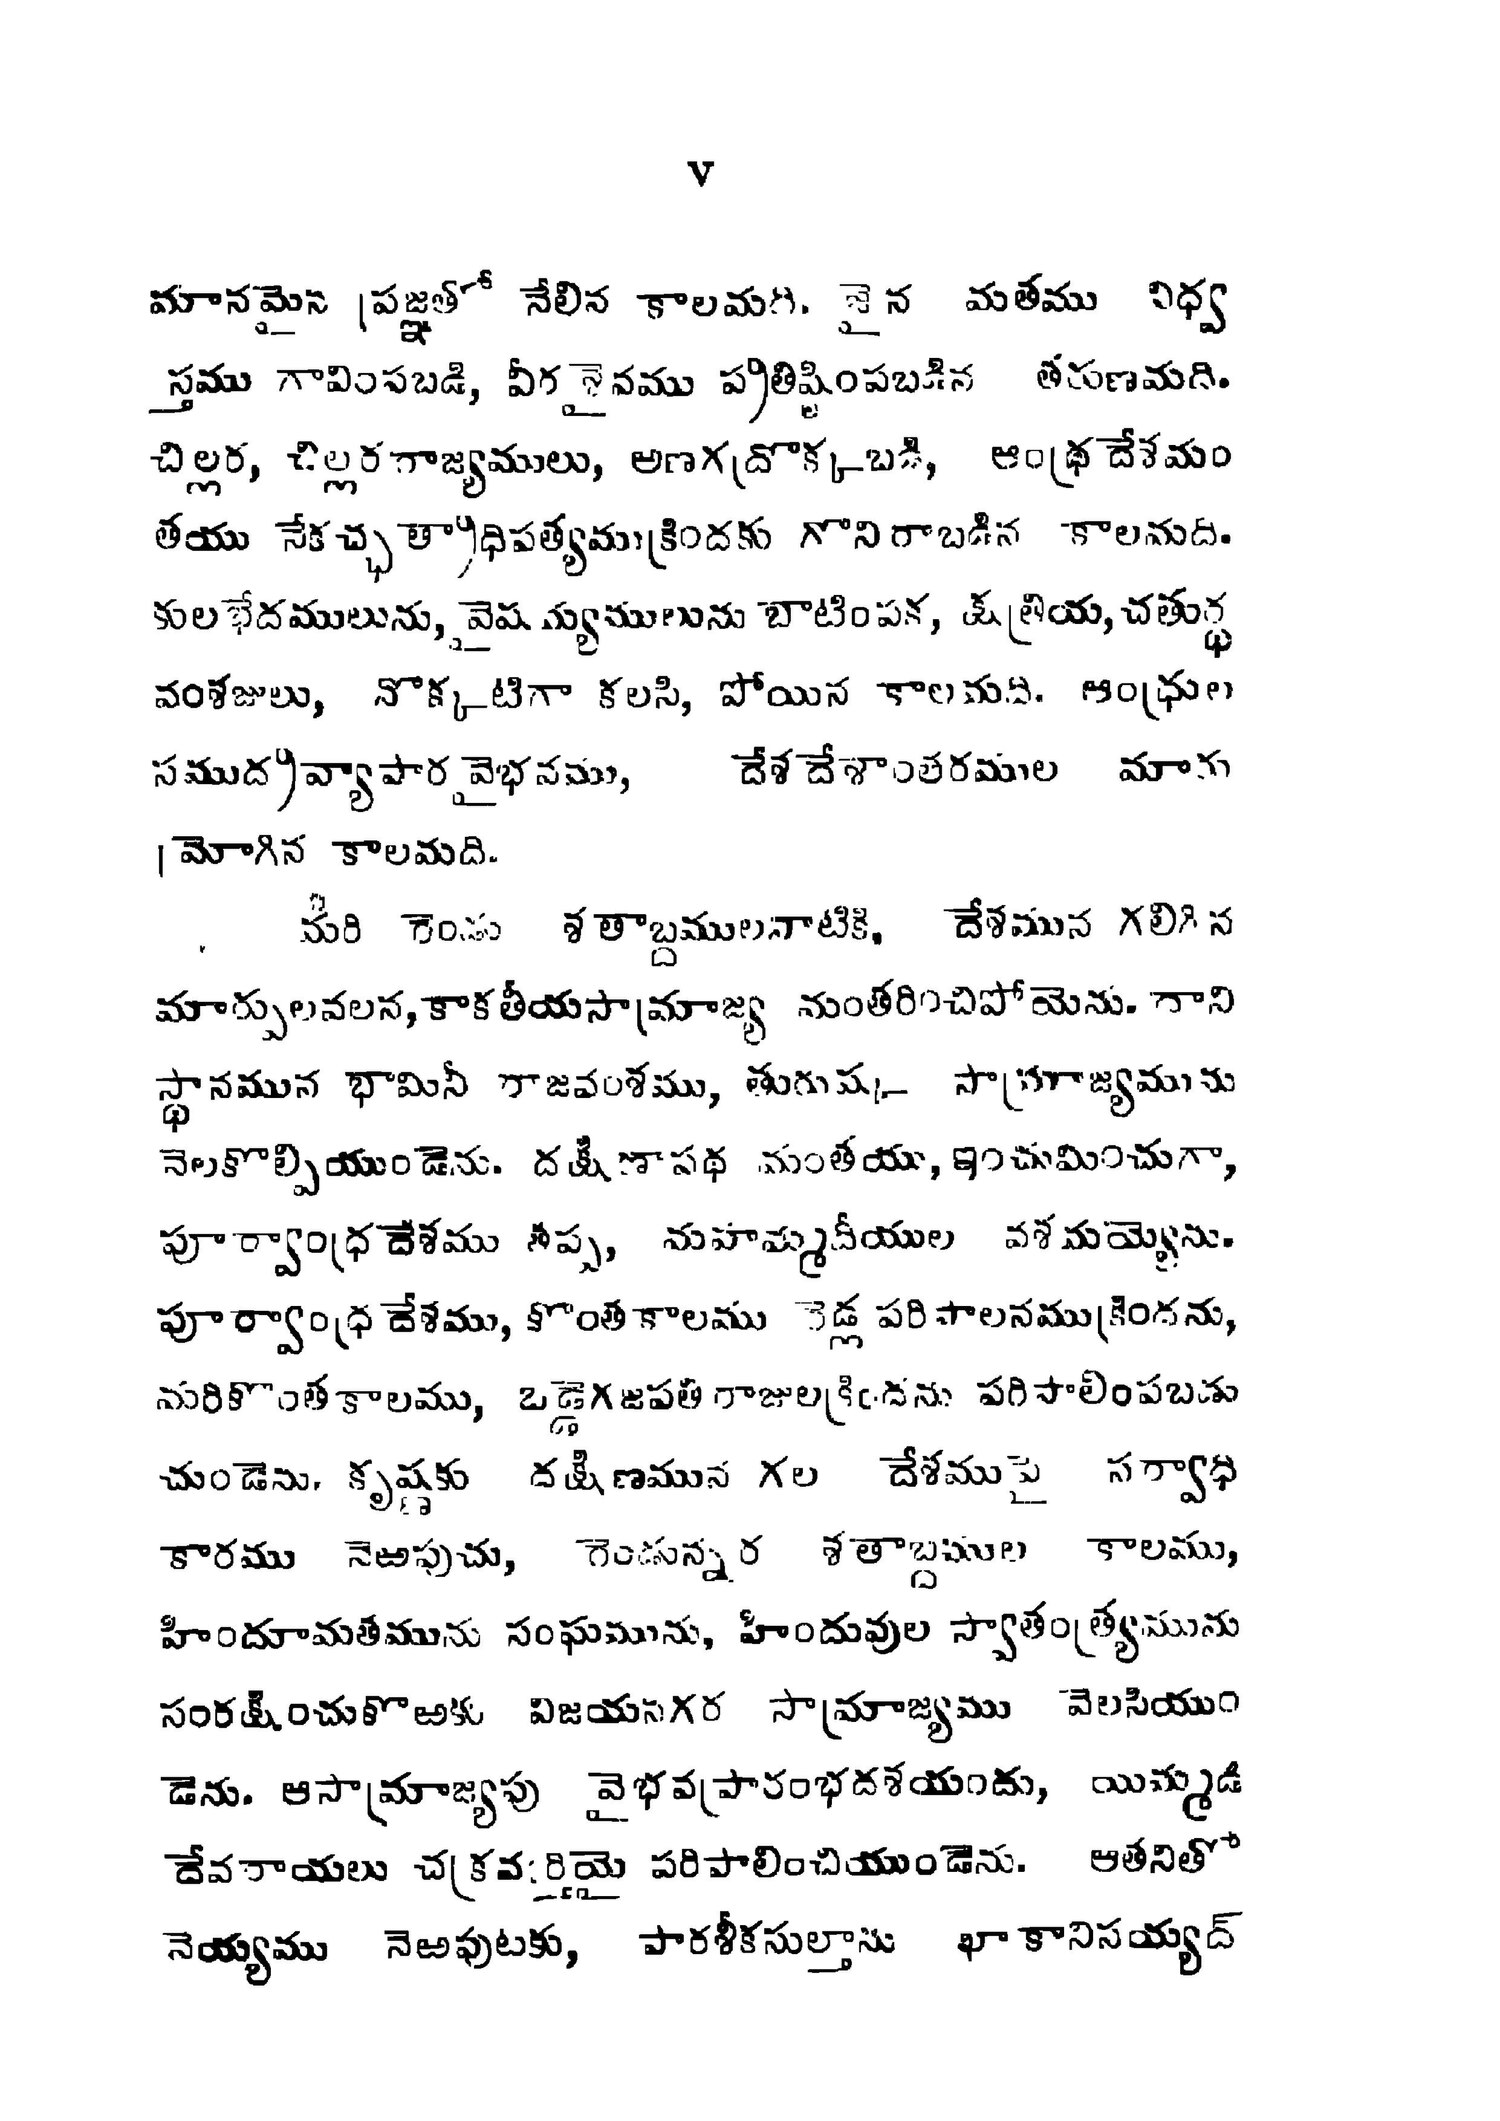మానమైన ప్రజ్ఞతో నేలిన కాలమది.జైన మతము విధ్వస్తము గావింపబడి, వీరశైవము ప్రతిష్టింపబడిన తరుణ మది. చిల్లర, చిల్లర రాజ్యములు, అణగద్రొక్కబడి, ఆంధ్రదేశమంతయు నేకచ్ఛత్రాధిపత్యము క్రిందకు గొని రాబడిన కాలమది.కులభేదములును, వైషమ్యములును బాటింపక, క్షత్రియ, చతుర్థవంశజులు, నొక్కటిగా కలసిపోయిన కాలమది. ఆంధ్రుల సముద్రవ్యాపారవైభవము, దేశదేశాంతరముల మారుమ్రోగిన కాలమది.

మరి రెండు శతాబ్దములనాటికి దేశమున గలిగిన మార్పులవలన, కాకతీయ సామ్రాజ్యమంతరించిపోయెను. దానిస్థానమున భామినీ రాజవంశము, తురుష్క సామ్రాజ్యమును నెలకొల్పియుండెను.దక్షిణాపథమంతయు, ఇంచుమించుగా, పూర్వాంధ్రదేశము తప్ప, మహమ్మదీయుల వశమయ్యెను.పూర్వాంధ్రదేశము కొంతకాలము రెడ్ల పరిపాలనము క్రిందను, మరికొంతకాలము, ఒడ్దెగజపతిరాజుల క్రిందను పరిపాలింపబడుచుండెను. కృష్ణకు దక్షిణమున గల దేశముపై సర్వాధికారము నెఱపుచు, రెండున్నర శతాబ్దముల కాలము హిందూమతమును, సంఘమును,హిందువుల స్వాతంత్ర్యమును సంరక్షించుకొఱకు విజయనగర సామ్రాజ్యము వెలసియుండెను. ఆ సామ్రాజ్యపు వైభవప్రారంభదశయందు, యిమ్మడి దేవరాయలు చక్రవర్తియై పరిపాలించి యుండెను. అతనితో నెయ్యము నెఱపుటకు, పారశిక సుల్తాను ఖాకాని సయ్యద్‌